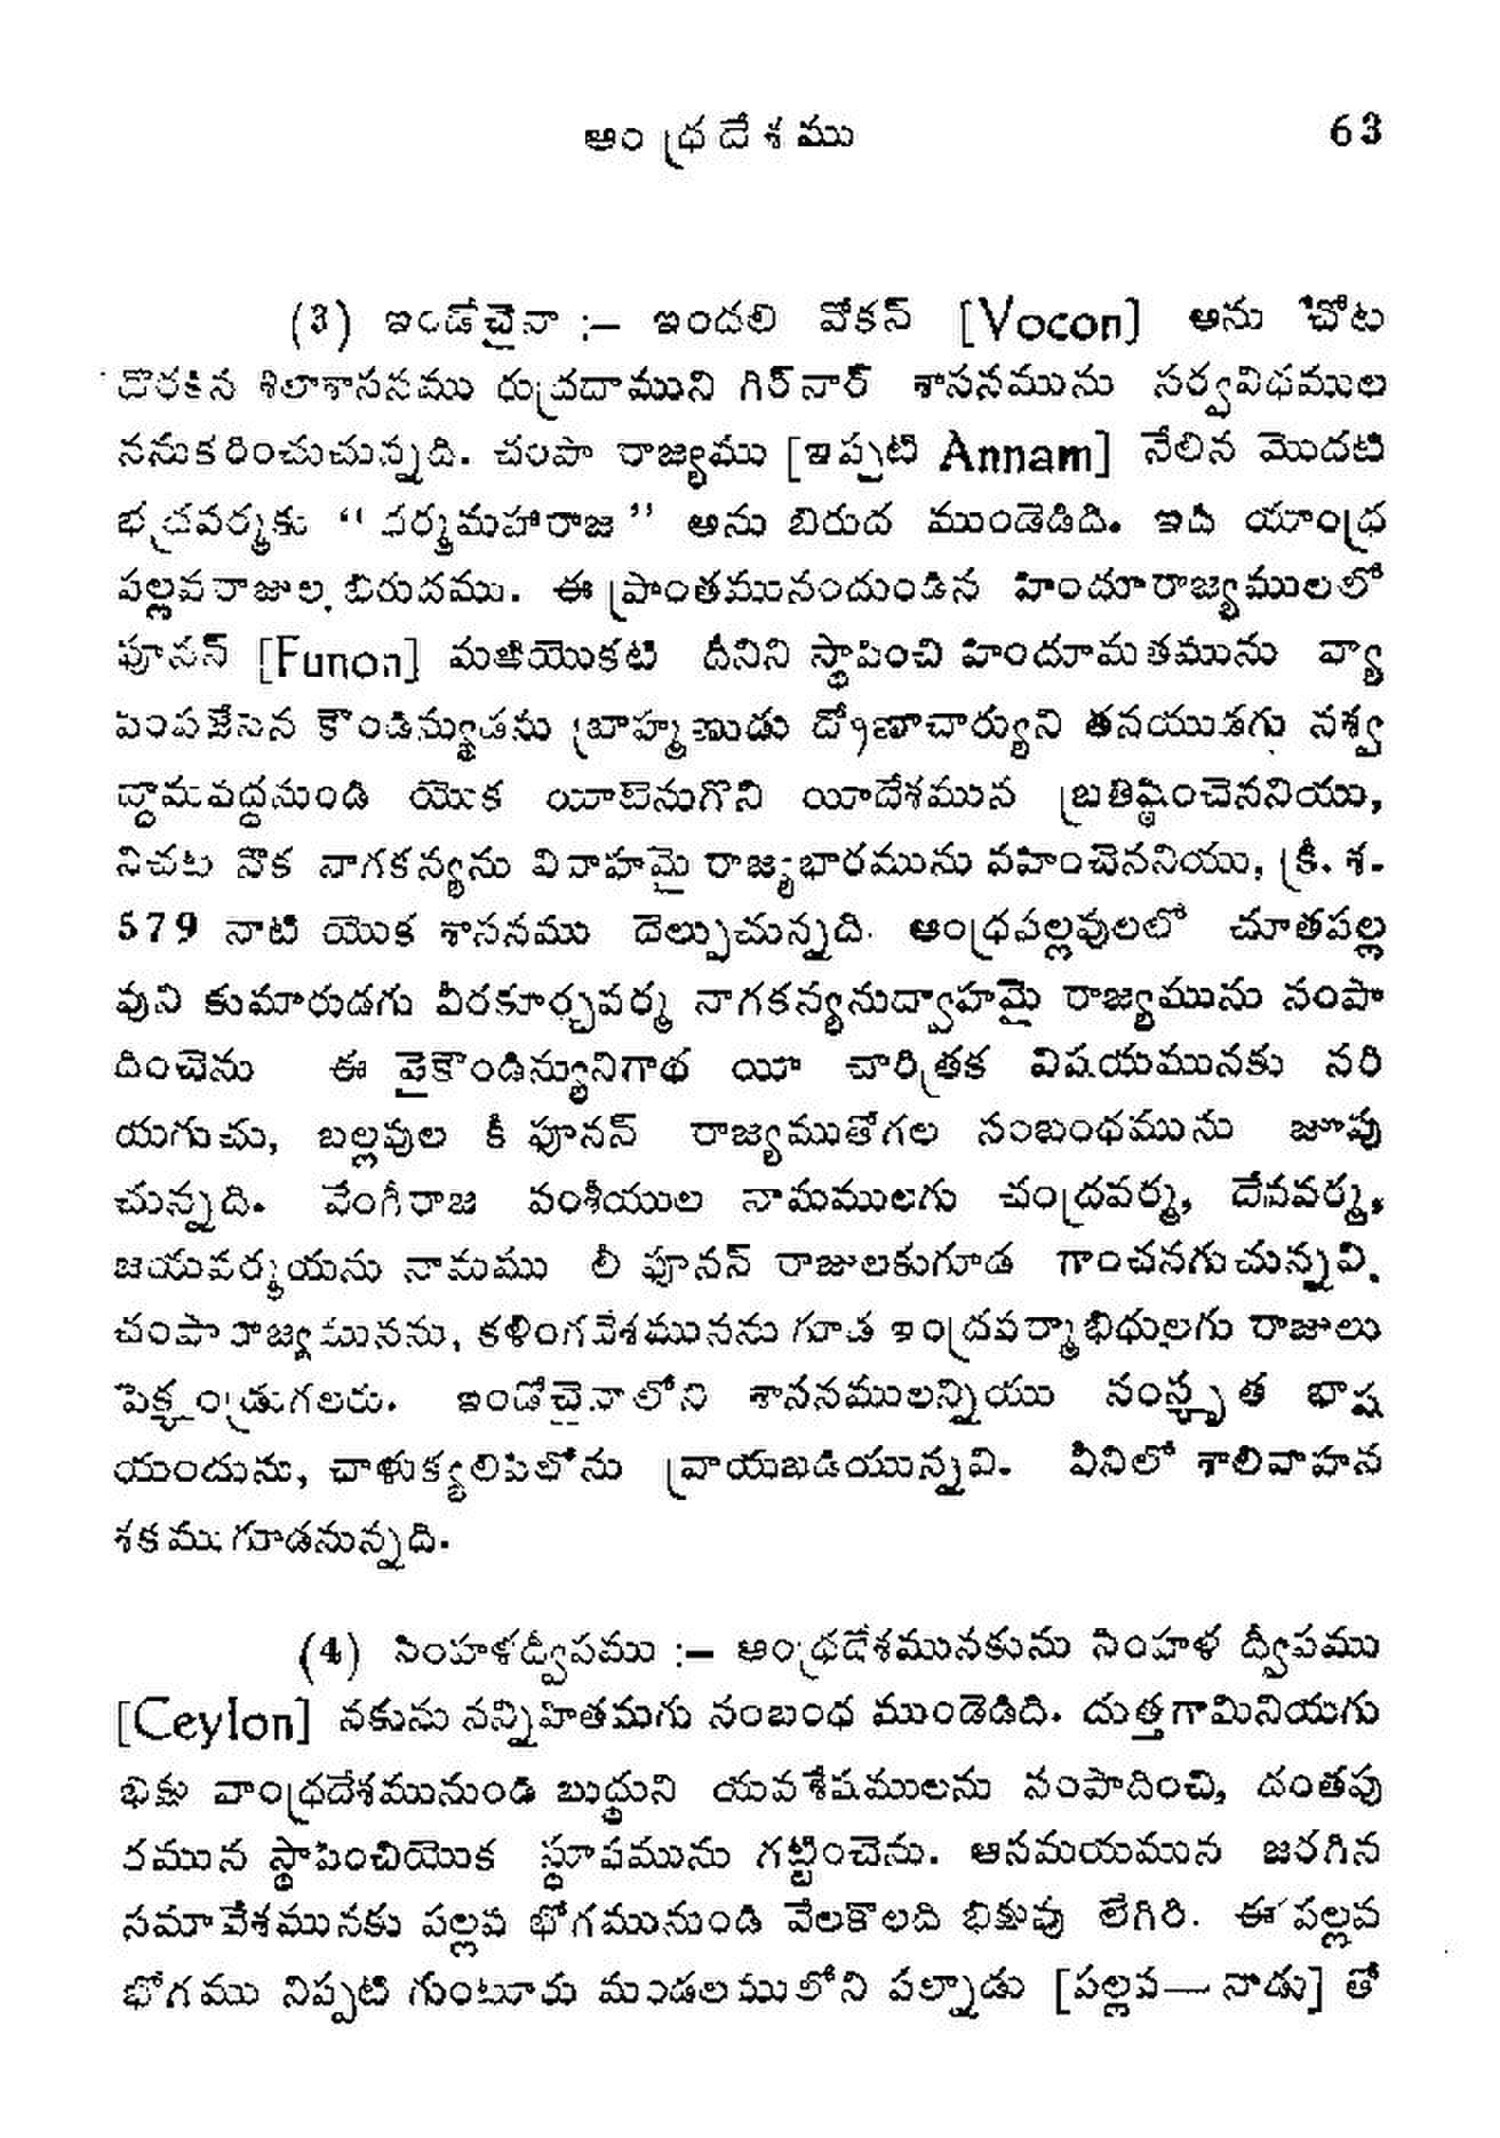(3) ఇండోచైనా :- ఇందలి వోకన్ [Vocon] అను చోట దొరకిన శిలాశాసనము రుద్రదాముని గిర్‌నార్ శాసనమును సర్వవిధముల ననుకరించుచున్నది. చంపా రాజ్యము [ఇప్పటి Annam] నేలిన మొదటి భద్రవర్మకు "దర్మమహారాజ" అను బిరుద ముండెడిది. ఇది యాంధ్ర పల్లవరాజుల బిరుదము. ఈ ప్రాంతమునందుండిన హిందూరాజ్యములలో పూనన్ [Funon] మఱియొకటి దీనిని స్థాపించి హిందూమతమును వ్యాపింపజేసిన కౌండిన్యుడను బ్రాహ్మణుడు ద్రోణాచార్యుని తనయుడగు నశ్వద్దామవద్దనుండి యొక యీటెనుగొని యీదేశమున బ్రతిష్ఠించెననియు, నిచట నొక నాగకన్యను వివాహమై రాజ్యభారమును వహించెననియు, క్రీ. శ. 579 నాటి యొక శాసనము దెల్పుచున్నది. ఆంధ్రపల్లవులలో చూతపల్లవుని కుమారుడగు వీరకూర్చవర్మ నాగకన్యనుద్వాహమై రాజ్యమును సంపాదించెను. ఈ పైకౌండిన్యునిగాథ యీ చారిత్రక విషయమునకు సరియగుచు, బల్లవుల కీ పూనన్ రాజ్యముతోగల సంబంధమును జూపుచున్నది. వేంగీరాజ వంశీయుల నామములగు చంద్రవర్మ, దేవవర్మ, జయవర్మయను నామము లీ పూనన్ రాజులకుగూడ గాంచనగుచున్నవి. చంపా రాజ్యమునను, కళింగదేశమునను గూడ ఇంద్రవర్మాభిరిధులగు రాజులు పెక్కుండ్రుగలరు. ఇండోచైనాలోని శాసనములన్నియు సంస్కృత భాషయందును, చాళుక్యలిపిలోను వ్రాయబడియున్నవి. వీనిలో శాలివాహన శకముగూడనున్నది.

(4) సింహళద్వీపము :- ఆంధ్రదేశమునకు ను సింహళ ద్వీపము [Ceylon] నకును సన్నిహితమగు సంబంధ ముండెడిది. దుత్తగామినియగు భిక్షు నాంధ్రదేశమునుండి బుద్దుని యవశేషములను సంపాదించి, దంతపురమున స్థాపించియొక స్థూపమును గట్టించెను. ఆసమయమున జరగిన సమావేశమునకు పల్లవ భోగమునుండి వేలకొలది భిక్షువు లేగిరి. ఈ పల్లవ భోగము నిప్పటి గుంటూరు మండలములోని పల్నాడు [పల్లవ - నాడు] తో